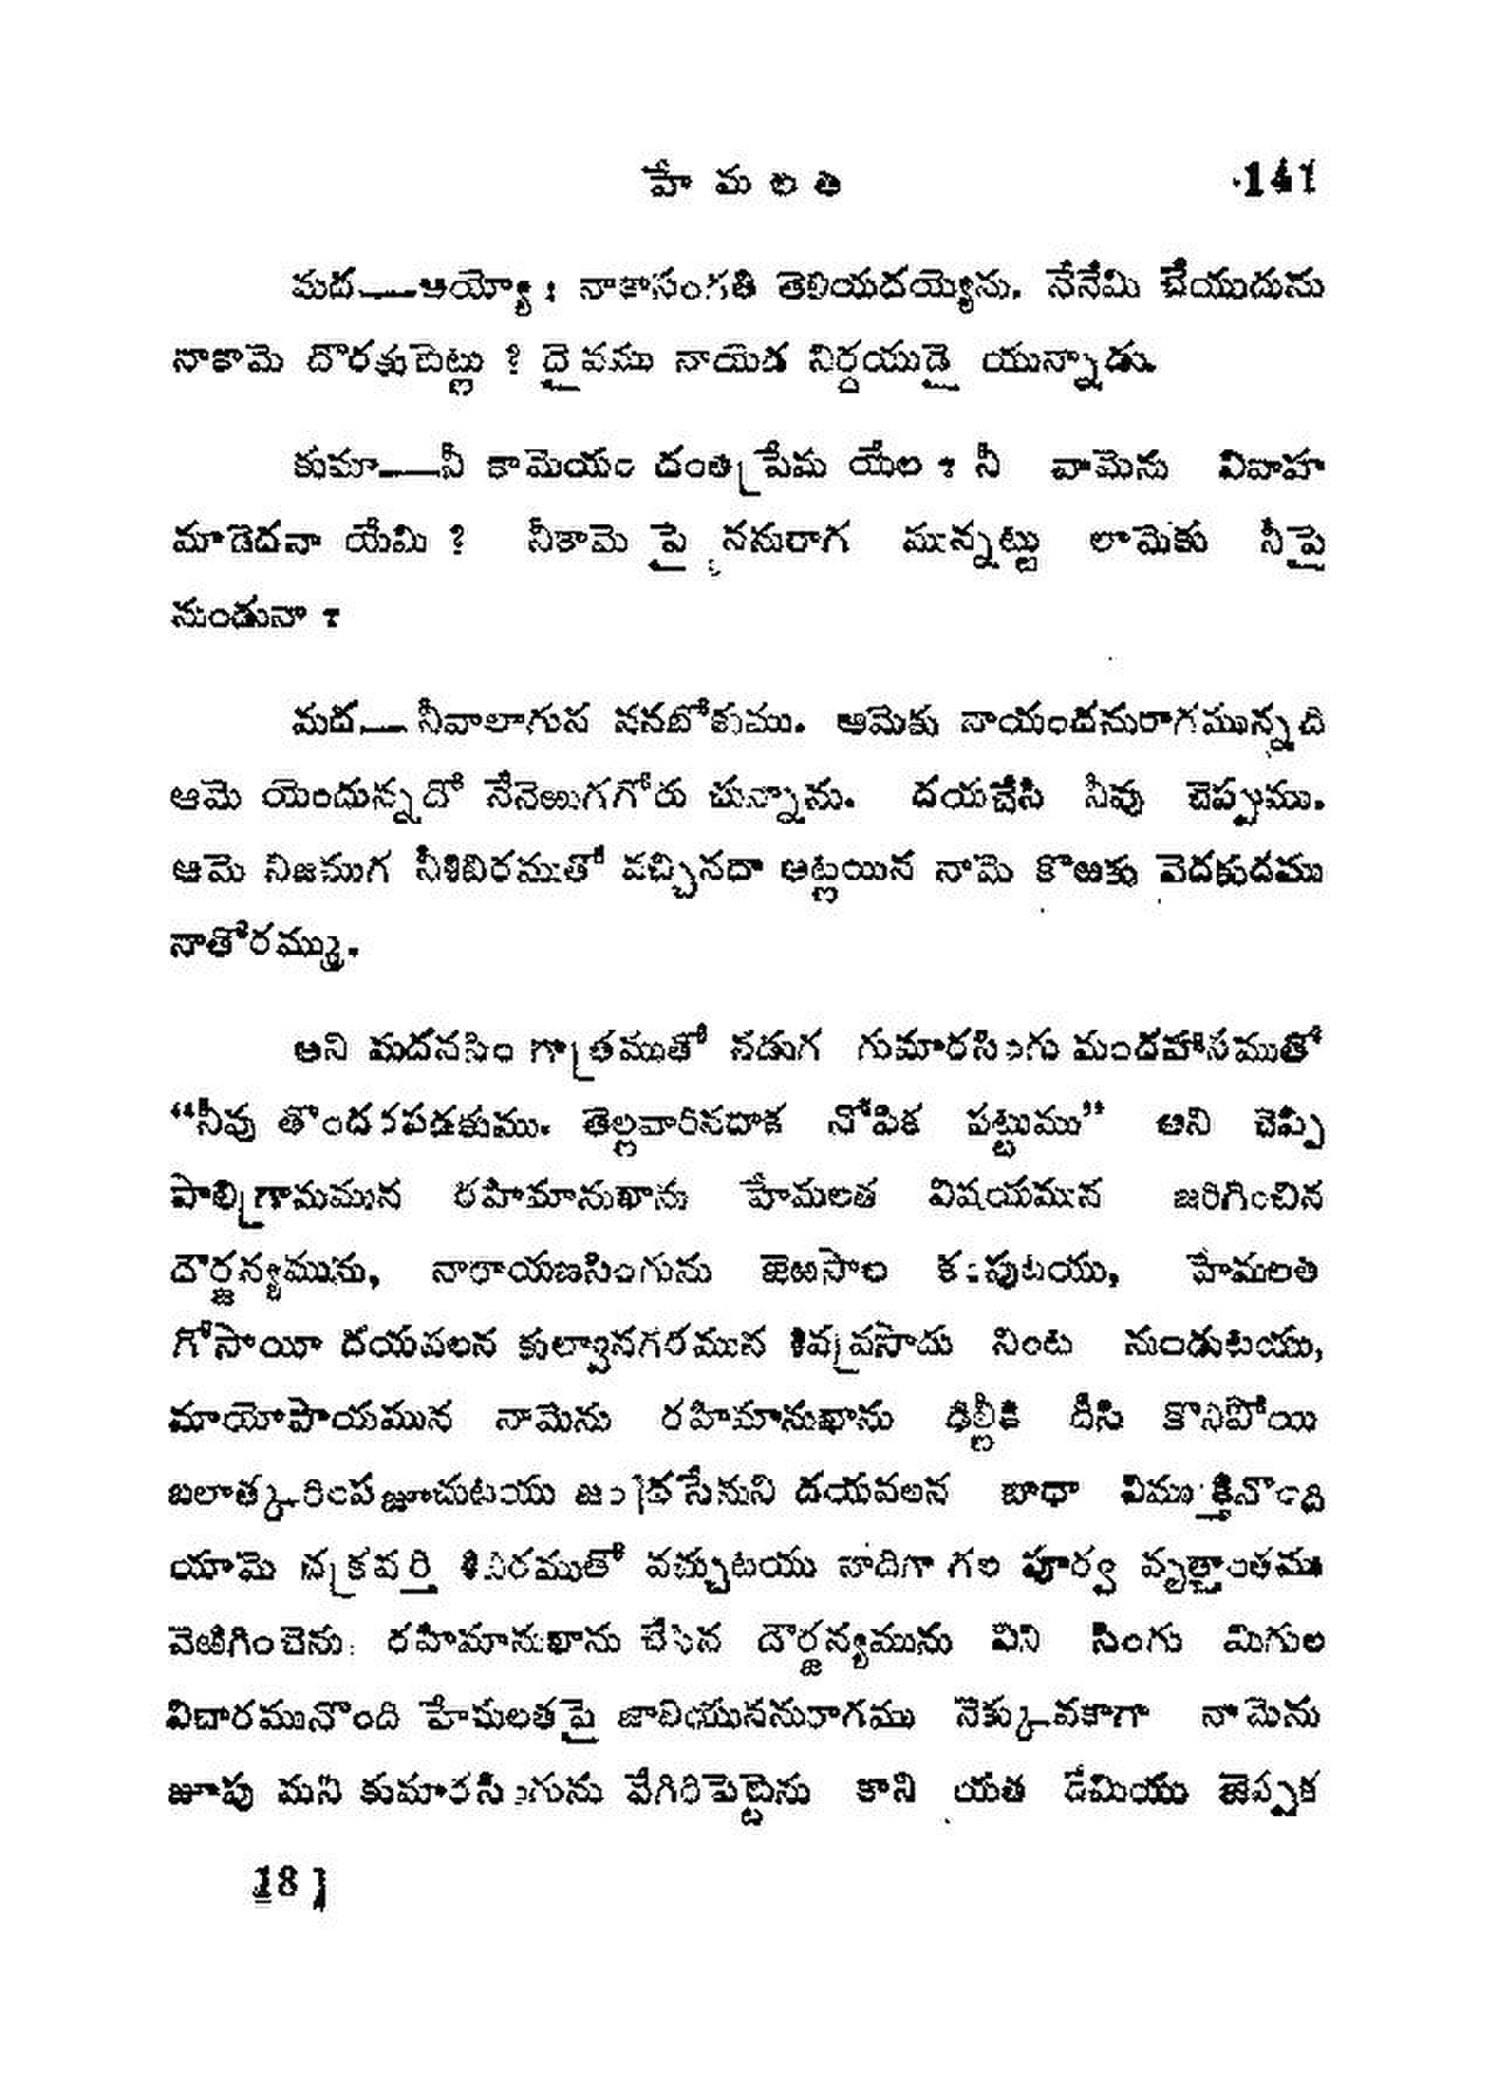మద – అయ్యో! నాకాసంగతి తెలియదయ్యెను. నేనేమి చేయుదును? నాకామె దొరకు టెట్లు! దైవము నాయెడ నిర్దయుడై యున్నాడు.

కుమా – నీ కామెయం దంత ప్రేమ యేల? నీ వామెను వివాహ మాడెదవా యేమి? నీకామెపై ననురాగ మున్నట్టు లామెకు నీపై నుండునా?

మద – నీవాలాగున ననబోకుము. ఆమెకు నాయందనురాగమున్నది. ఆమె యెందున్నదో నేనెఱుగగోరు చున్నాను. దయచేసి నీవు చెప్పుము. ఆమె నిజముగ నీశిబిరముతో వచ్చినదా అట్లయిన నామె కొఱకు వెదకుదము నాతోరమ్ము.

అని మదనసిం గాత్రముతో నడుగ గుమారసింగు మందహాసముతో “నీవు తొందరపడకుము. తెల్లవారినదాక నోపిక పట్టుము” అని చెప్పి పాలిగ్రామమున రహిమానుఖాను హేమలత విషయమున జరిగించిన దౌర్జన్యమును, నారాయణసింగును జెఱసాల కంపుటయు, హేమలత గోసాయీ దయవలన కుల్వానగరమున శివప్రసాదు నింట నుండుటయు, మాయోపాయమున నామెను రహిమానుఖాను ఢిల్లీకి దీసి కొనిపోయి బలాత్కరింపజూచుటయు జంద్రసేనుని దయవలన బాధా విముక్తినొంది యామె చక్రవర్తి శిబిరముతో వచ్చుటయు నాదిగా గల పూర్వ వృత్తాంతము నెఱిగించెను. రహిమాను ఖాను చేసిన దౌర్జన్యమును విని సింగు మిగుల విచారమునొంది హేమలతపై జాలియుననురాగము నెక్కువకాగా నామెను జూపు మని కుమారసింగును వేగిరిపెట్టెను కాని యత డేమియు జెప్పక